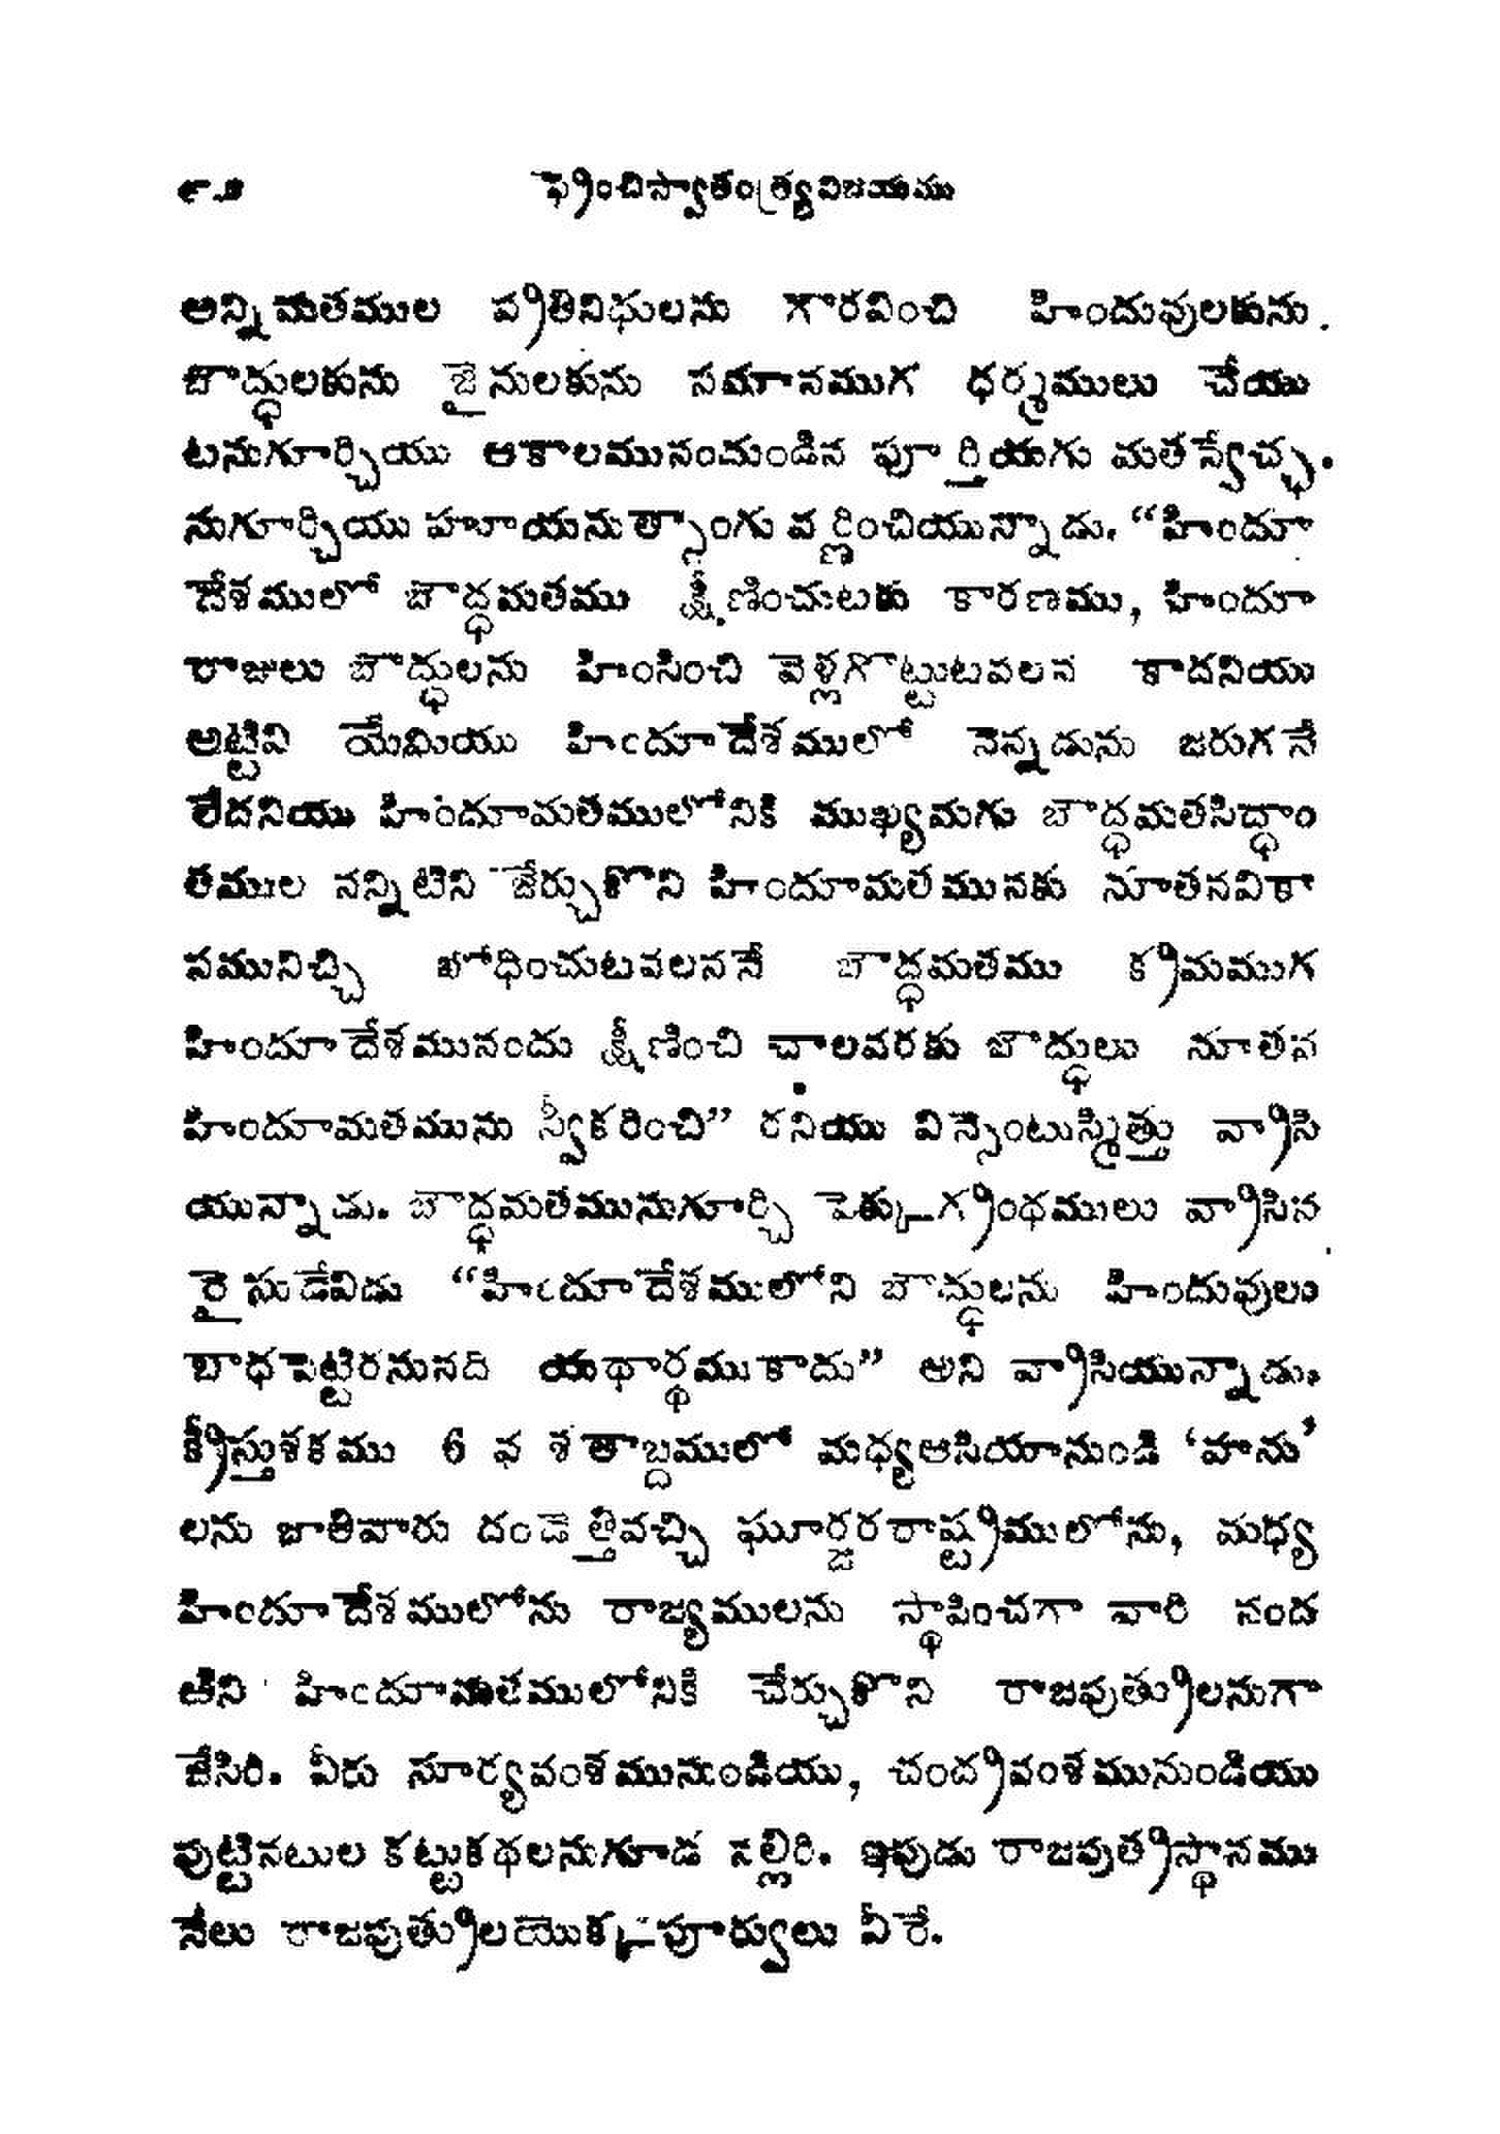అన్ని మతముల ప్రతినిధులను గౌరవించి హిందువులకును.
బౌద్ధులకును జైనులకును సమానముగ ధర్మములు చేయు
టను గూర్చియు ఆకాలమునందుండిన పూర్తియగు మత స్వేచ్ఛ.
సుగూర్చియు హూయను త్సాంగు వర్ణించియున్నాడు. "హిందూ
చేశములో బౌద్ధమతము క్షీణించుటకు కారణము, హిందూ
రాజులు బౌద్ధులను హింసించి వెళ్లగొట్టుట వలన కాదనియు
అట్టివి యేమియు హిందూదేశములో నెన్నడును జరుగనే
లేదనియు హిందూమతము లోనికి ముఖ్యమగు బౌద్ధమత సిద్ధాం
తముల నన్నిటిని జేర్చుకొని హిందూమతమునకు నూతనవికా
సమునిచ్చి బోధించుటవలననే బౌద్ధమతము క్రమముగ
హిందూదేశమునందు క్షీణించి చాలవరకు బౌద్ధులు నూతన
హిందూమతమును స్వీకరించి” రనియు విన్సెంటుస్మిత్తు వ్రాసి
యున్నాడు. బౌద్ధమతమును గూర్చి పెక్కు గ్రంథములు వ్రాసిన
రైసు డేవిడు. "హిఁదూ దేశములోని బౌద్ధులను హిందువులు
బాధ పెట్టిరనునది యథార్థము కాదు” అని వ్రాసియున్నాడు.
శ్రీస్తుశకము 6 వ శతాబ్దములో మధ్య ఆసియానుండి 'హను'
లను జాతివారు దండెత్తివచ్చి ఘూర్జర రాష్ట్రములోను, మధ్య
హిందూదేశములోను రాజ్యములను స్థాపించగా వారి నంద
రిని ' హిందూమతములోనికి చేర్చుకొని రాజపుత్రులనుగా
జేసిరి. వీరు సూర్యవంశమునుండియు, చంద్రవంశము నుండియు
పుట్టినటుల కట్టుకథలను గూడ న ల్లిరి. ఇపుడు రాజవుత్రస్థానము
నేలు రాజపుత్రుల యొక్క పూర్వులు వీరే.